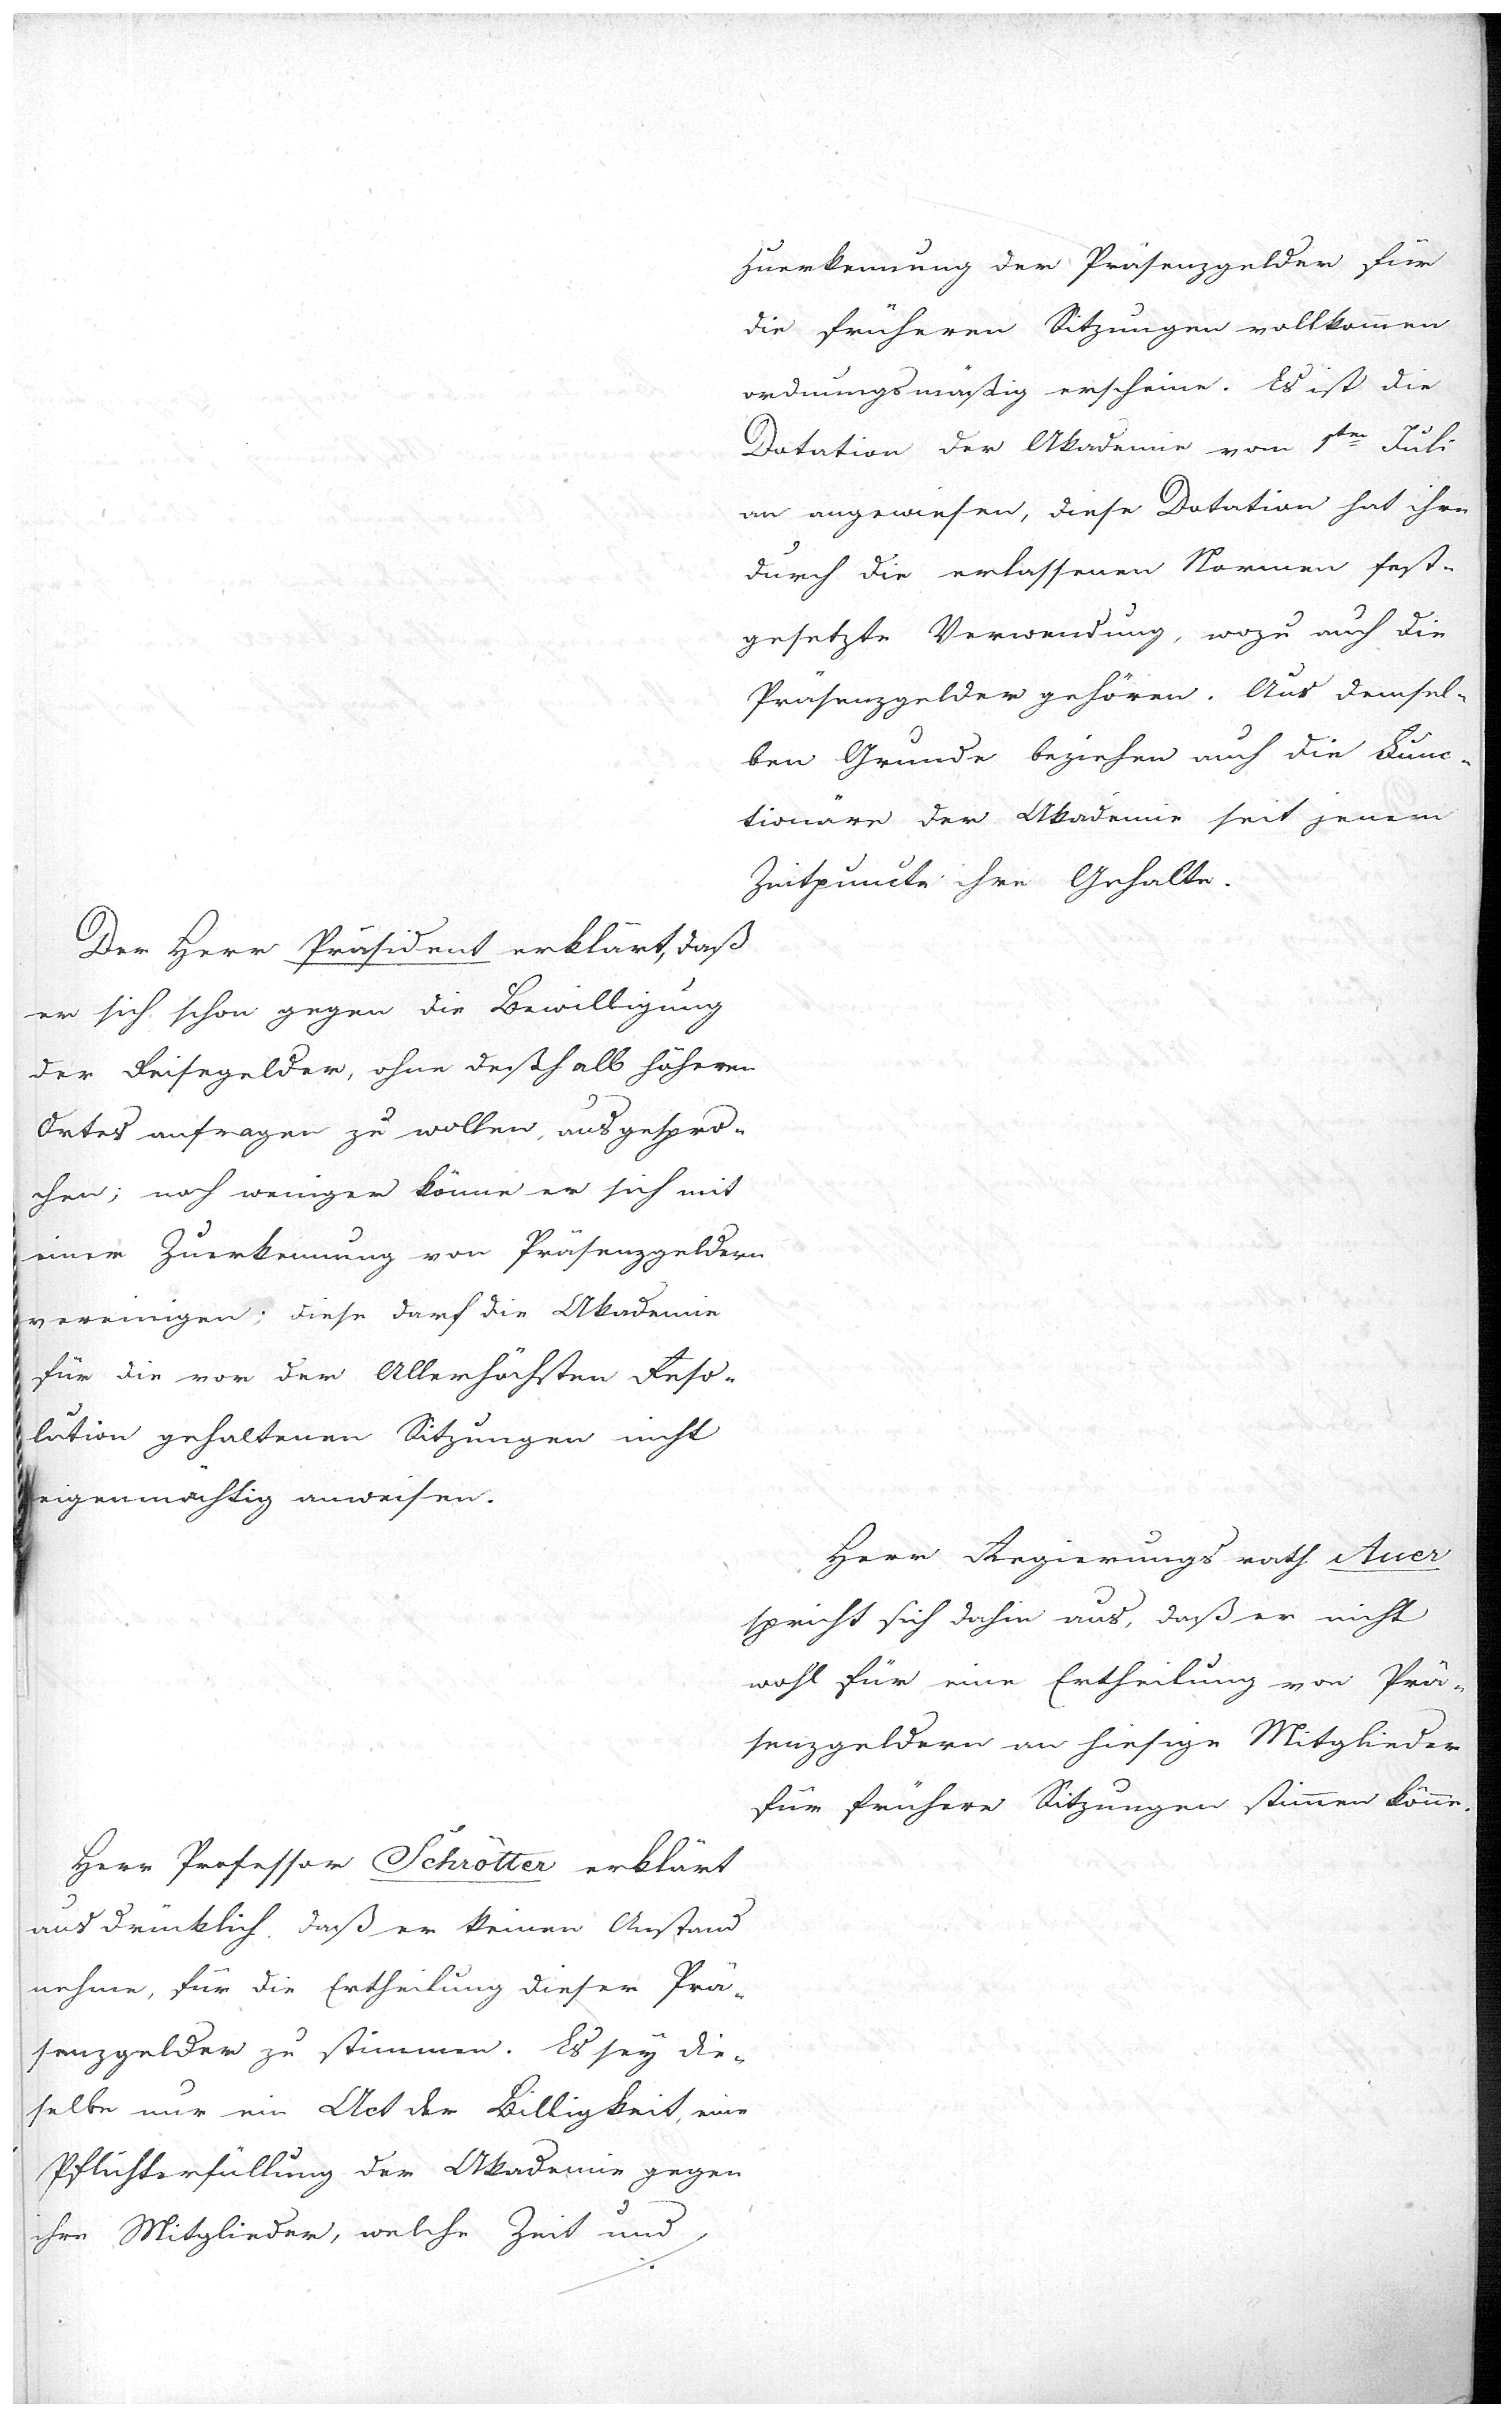Zuerkennung der Präsenzgelder für
die früheren Sitzungen vollkommen
ordnungmäßig erscheine. Es ist die
Dotation der Akademie von 1ten Juli
an angewiesen, diese Dotation hat ihre
durch die erlassenen Normen fest-
gesetzte Verwendung, wozu auch die
Präsenzgelder gehören. Aus demsel-
ben Grunde beziehen auch die Func-
tionäre der Akademie seit jenem
Zeitpuncte ihre Gehalte.
Der Herr Präsident erklärt, daß
er sich schon gegen die Bewilligung
der Reisegelder, ohne deßhalb höheren
Ortes anfragen zu wollen, augespro-
chen; noch weniger könne er sich mit
einer zuerkenneung von Präsenzgeldern
vereinigen; diese darf die Akademie
für die vor der Allerhöchsten Reso-
lution gehaltenen Sitzungen nicht
eigenmächtig anweisen.
Herr Regierungsrath Auer
spricht sich dahin aus, daß er nicht
wohl für eine Ertheilung von Prä-
senzgeldern an hiesige Mitglieder
für frühere Sitzungen stimmen könne.
Herr Professor Schrötter erklärt
ausdrücklich, daß er keinen Anstand
nehme, für die Ertheilung dieser Prä-
senzgelder zu stimmen. Es sey die-
selbe nur ein Act der Billigkeit, eine
Pflichterfüllung der Akademie gegen
ihre Mitglieder, welche Zeit und